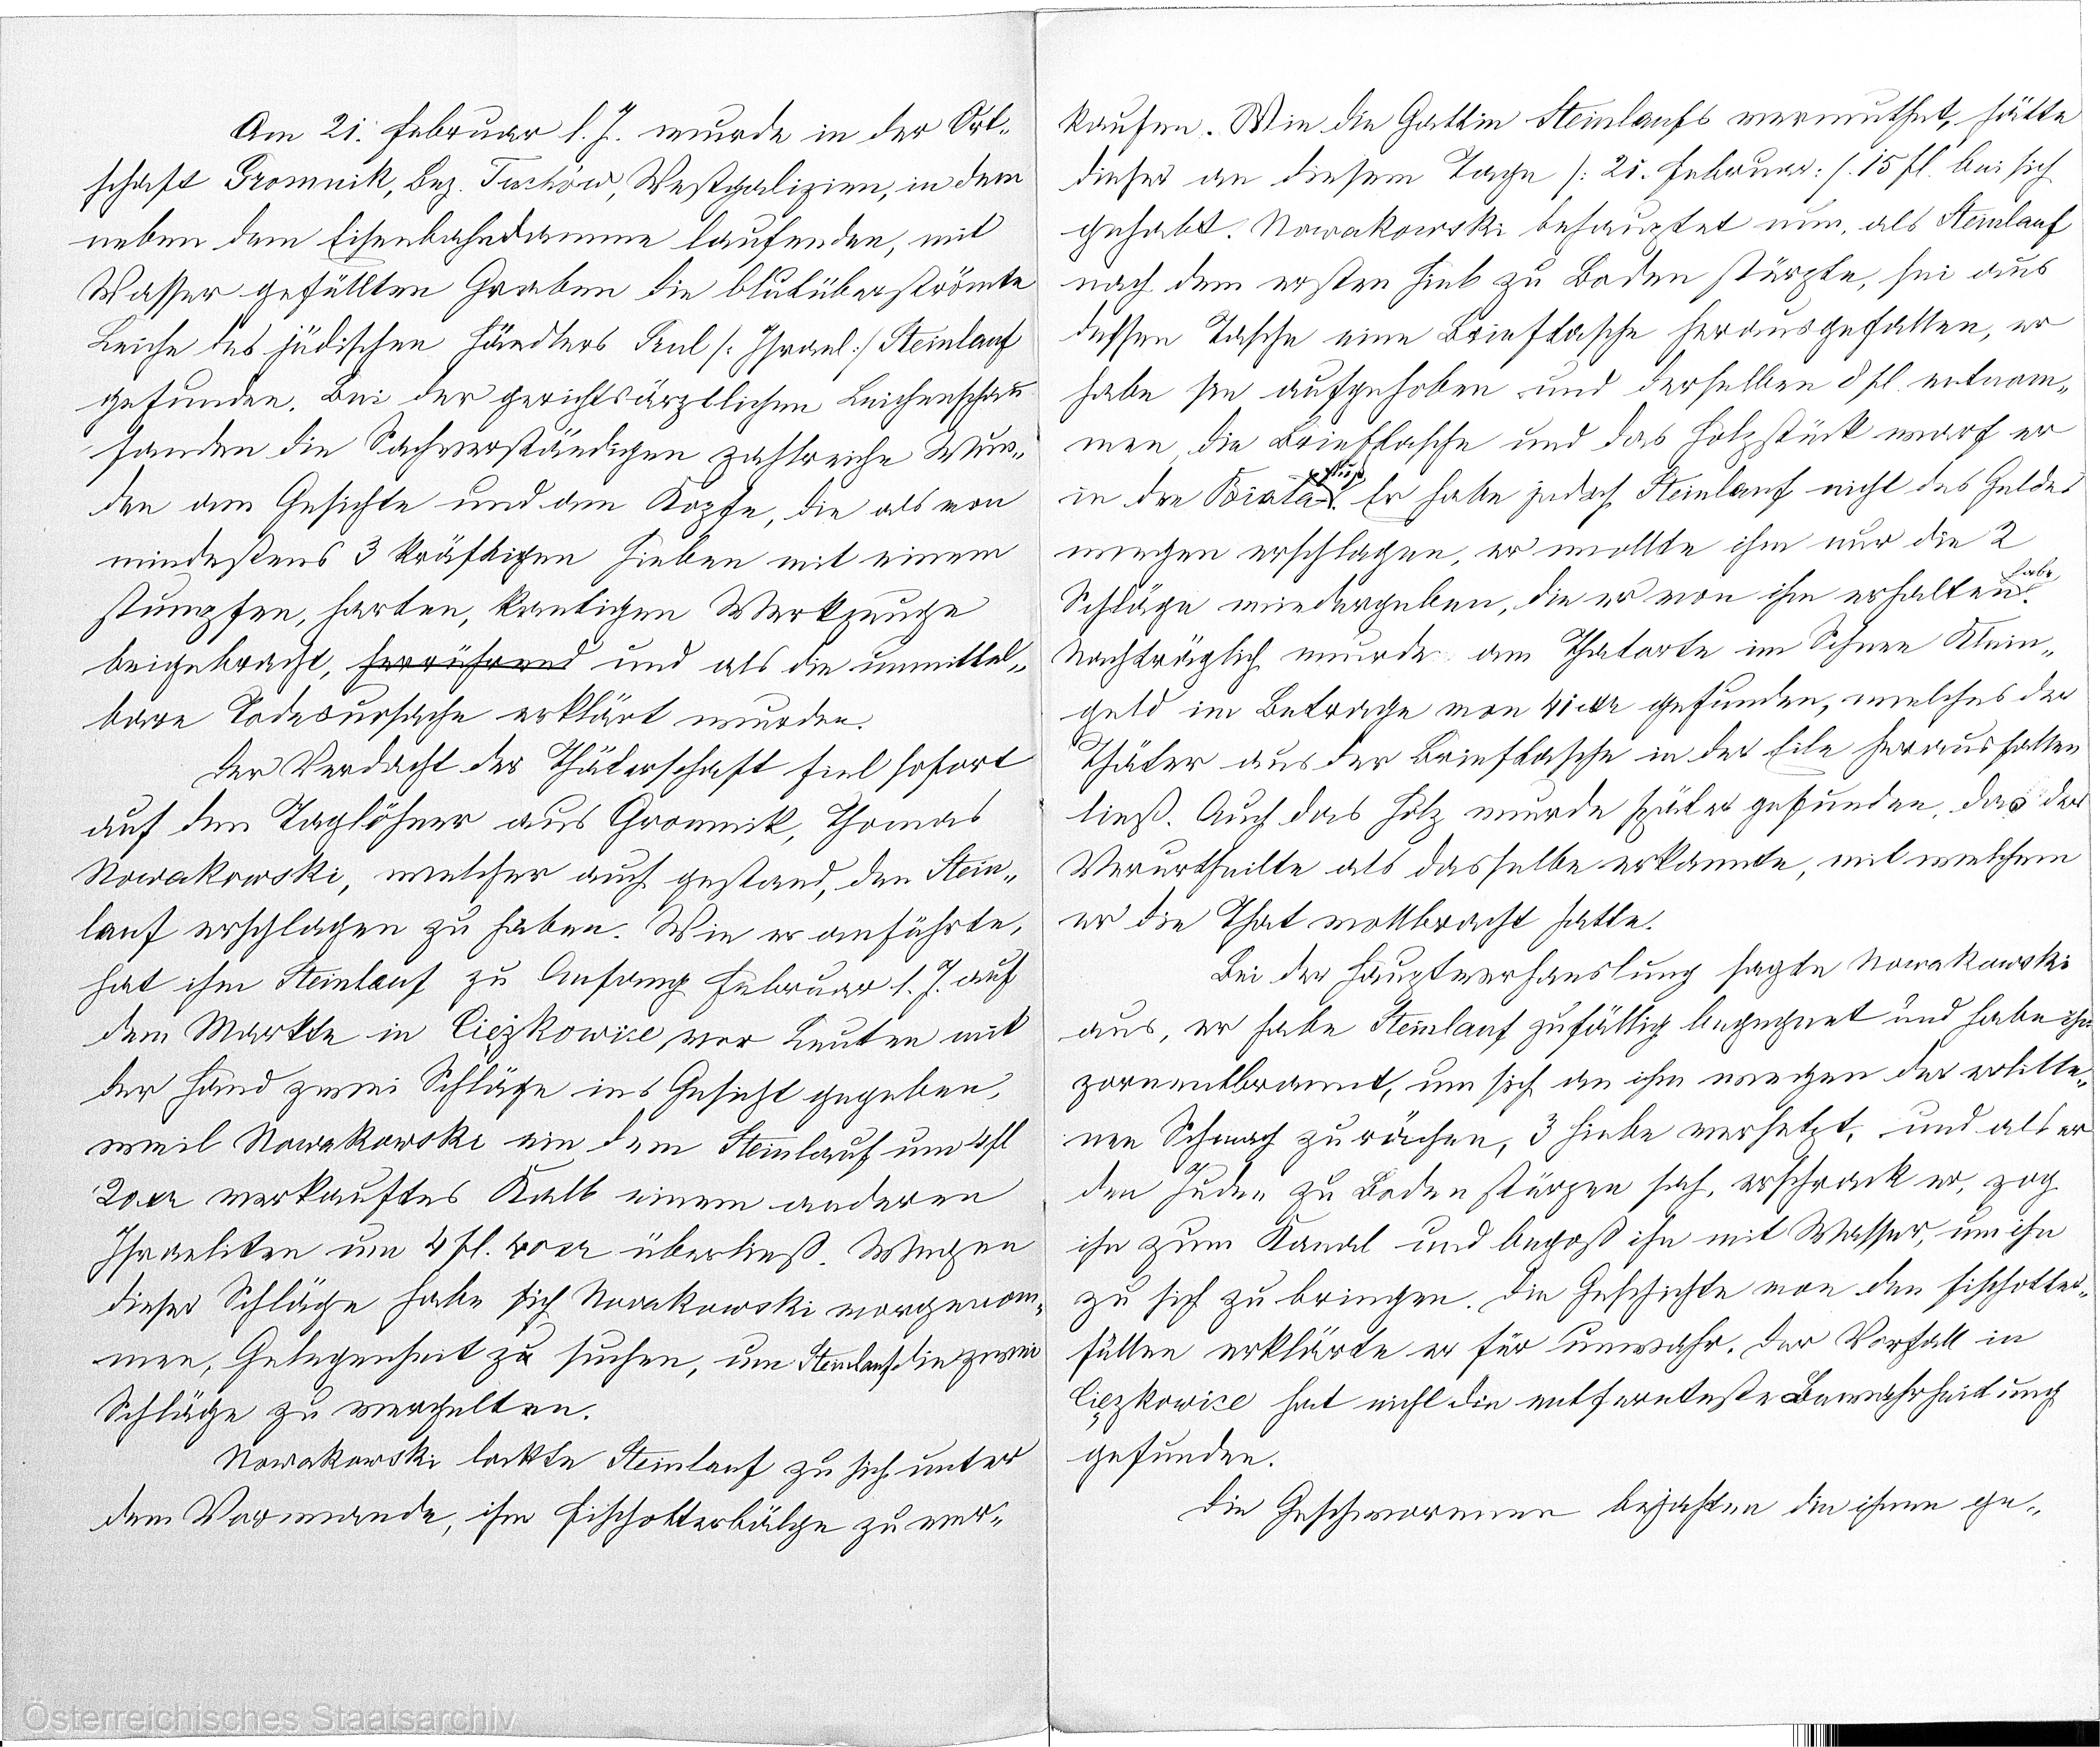Am 21. Februar l.J. wurde in der Ort¬
schaft Gromnik, Bez. Tuchów, Westgalizien, in dem
neben dem Eisenbahndamme laufenden, mit
Wasser gefüllten Graben die blutüberströmte
Leiche des jüdischen Händlers xx /:Israel:/ Steinlauf
gefunden. Bei der gerichtsärztlichen Leichenschau¬
sanden die Sachverständigen zahlreiche Wur¬
den am Gesichte und den Kopfe, die als von
mindestens 3 kräftigen hieben mit einem
stumpfen, harten, kantigen Werkzeuge
beigebracht, und als die unmittel¬
bare Todesursache erklärt wurden.
Der Verdacht der Thäterschaft fiel sofort
auf den Taglöhner aus Gromnik, Thomas
Nowakowski, welcher auch gestand, den Stein¬
lauf erschlagen zu haben. Wie er anführte,
hat ihm Steinlauf zu Anfang Februar l. J. auf
dem Markte in Ciężwxx, wer Leuten mit
der Hand zwei Schläfe ins Gesicht gegeben,
weil Nowakowski ein dem Steinlauf um 4fl
'20xx verkauftes Kalb einem anderen
Israeliten um 4 fl. 40 xx überließ. Wegen
dieser Schläge habe sich Novakowski vorgenom¬
men, Gelegenheit zu suchen, um Steinlauf die zwei
Schläge zu verhalten.
Nowakowski leckte Steinlauf zu sich unter
dem Vorwande, ihm Fischxx zu ver¬
kaufen. Wie die Gattin Steinlaufs vermuthet, hätte
dieser an diesem Tage /:21. Februar:/ 15 fl. bei sich
gehabt. Nowakowski behauptet nun, als Steinlauf
nach dem ersten Hieb zu Boden stürzte, sei aus
dessen Tasche eine Brieftasche herausgefallen, er
habe sie aufgehoben und derselben 8 fl. entnom¬
men, die Brieftasche und das Holzstück warf er
fuß.
in den Biala Er habe jedoch Steinlauf nicht des Geldes
wegen erschlagen, er wollte ihm nur die 2
habe.
Schläge wiedergeben, die er von ihn erhalten
Nachträglich wurde am Thatarte im Schnee Klein¬
geld im Betrage mon 41 xx gefunden, welches der
Thäter aus der Brieftasche in der Eile heraushalten
ließ. Auch das Holz wurde später gefunden, das der
Verurtheilte als dasselbe erkannte, mit welchem
er die That vollbracht hatte.
Bei der Hauptverhandlung sagte Nowakowski
aus, er habe Steinlauf zufällig begegnet und habe xx
zornentbrannt, um sich an ihn wegen der erlitte¬
nen Schmach zu rächen, 3 Hinke versetzt, und als er
den Juden zu Bodenstürzen sah, erschrack er, zog
ihn zum Kanal und begoß ihn mit Wasser, um ihn
zu sich zu bringen. Die Geschichte mon den fischotter¬
füllen erklärte er für unwahr. Der Vorfall in
Ciękowice hat nicht die entfereteße Bewahrheitung
gefunden.
Die Geschworenen bejahten die ihnen ge¬